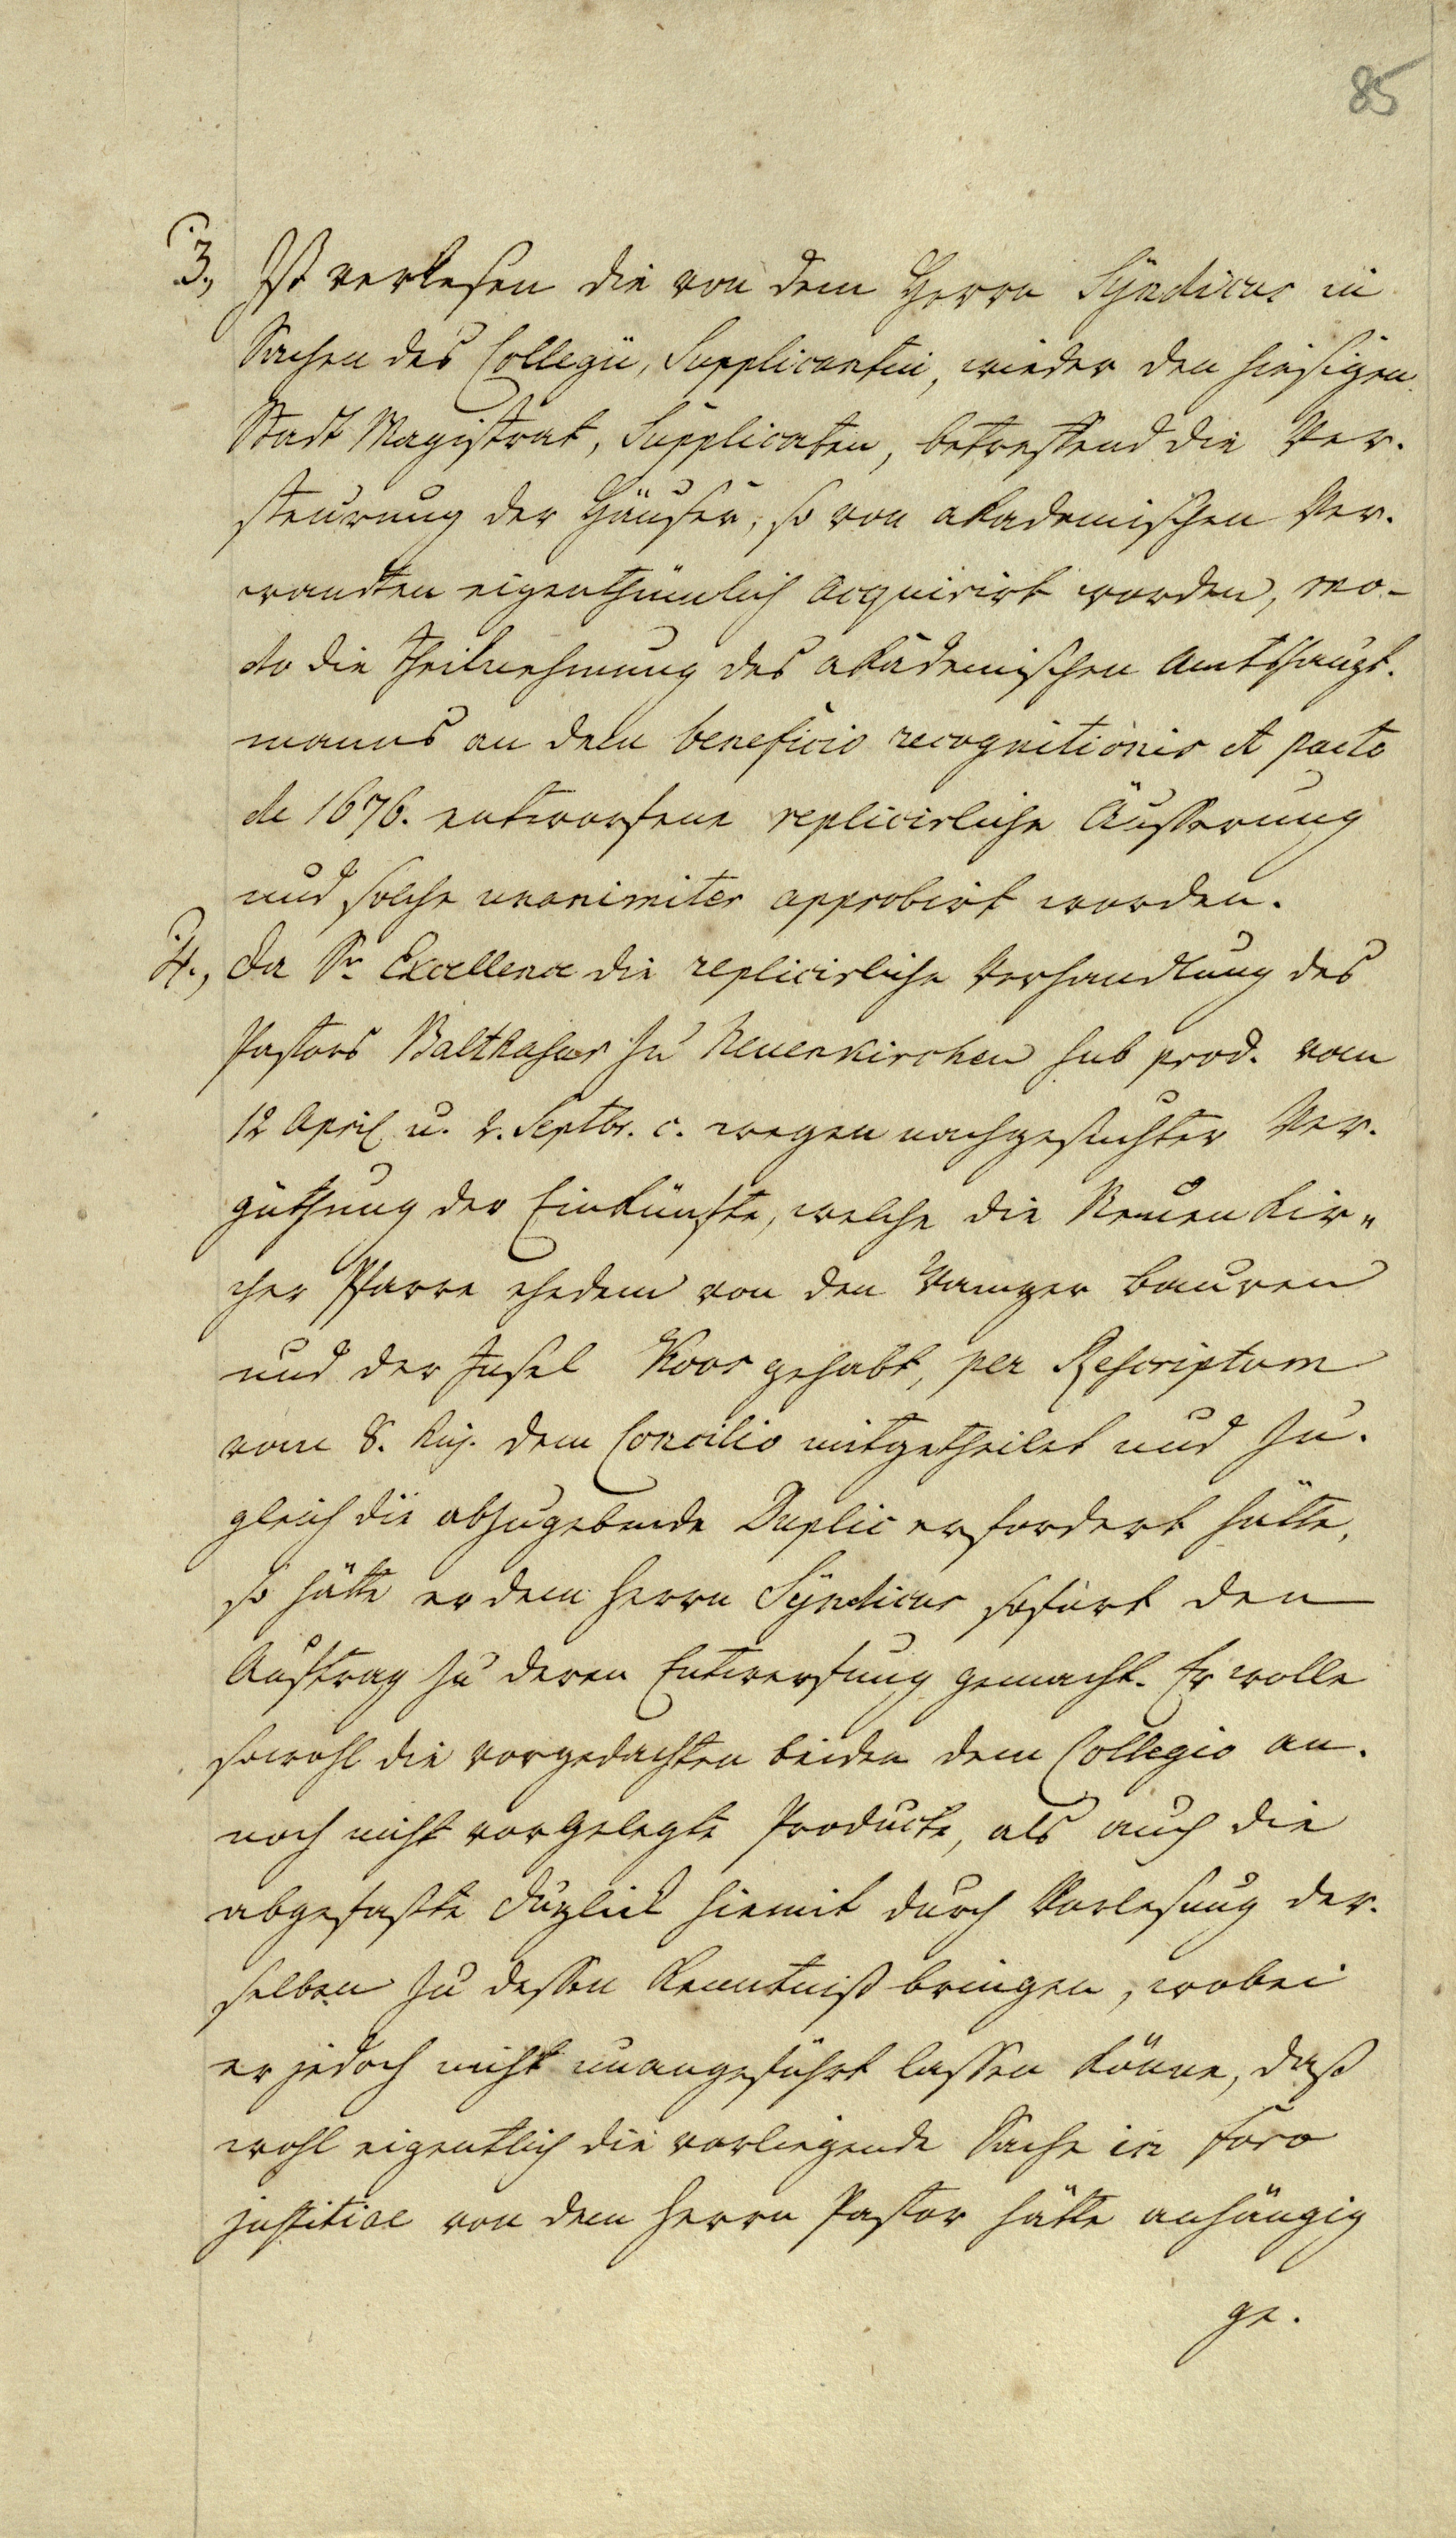3., Ist verlesen die von dem Herrn Sÿndicus in
Sachen des Collegii, Supplicantin, wieder den hiesigen
Stadt Magistrat, Supplicaten, betreffend die Ver¬
steurung der Häuser, so von akademischen Ver¬
wandten eigenthümlich aquirirt worden, mo¬
do die Theilehmung des akademischen Amtshaupt¬
manns an dem beneficio recognitionis et paeto
de 1676. entworfene replicirliche Äusserung
und solche unanimiter approbirt worden.
4., Da Sr Excellence die replicirliche Verhandlung des
Pastors Balthasur zu Neuenkirchen sub prod. vom
12 April, u. 2. Septbr. c. wegen nachgesuchter Ver¬
güthung der Einkünfte, welche die Neuenkir¬
cher Pfarre ehedem von den Wamper Bauren
und der Insel Koos gehabt, per Rescriptum
vom 8. huj. dem Concilio mitgetheilet und zu¬
gleich die abzugebenden Duplic erfordert hätte,
so hätte er dem Herrn Sÿndicus sofort den
Auftrag zu deren Entwerfung gemacht. Er wolle
sowohl die vorgedachten beiden dem Collegio an¬
noch nicht vorgelegte Producte, als auch die
abgefaßte Duplick hiemit durch Vorlesung der¬
selben zu dessen Kenntniß bringen, wobei
er jedoch nicht unangeführt lassen könne, daß
wohl eigentlich die vorliegende Sache in foro
justitiae von dem Herrn Pastor hätte anhängig
ge¬